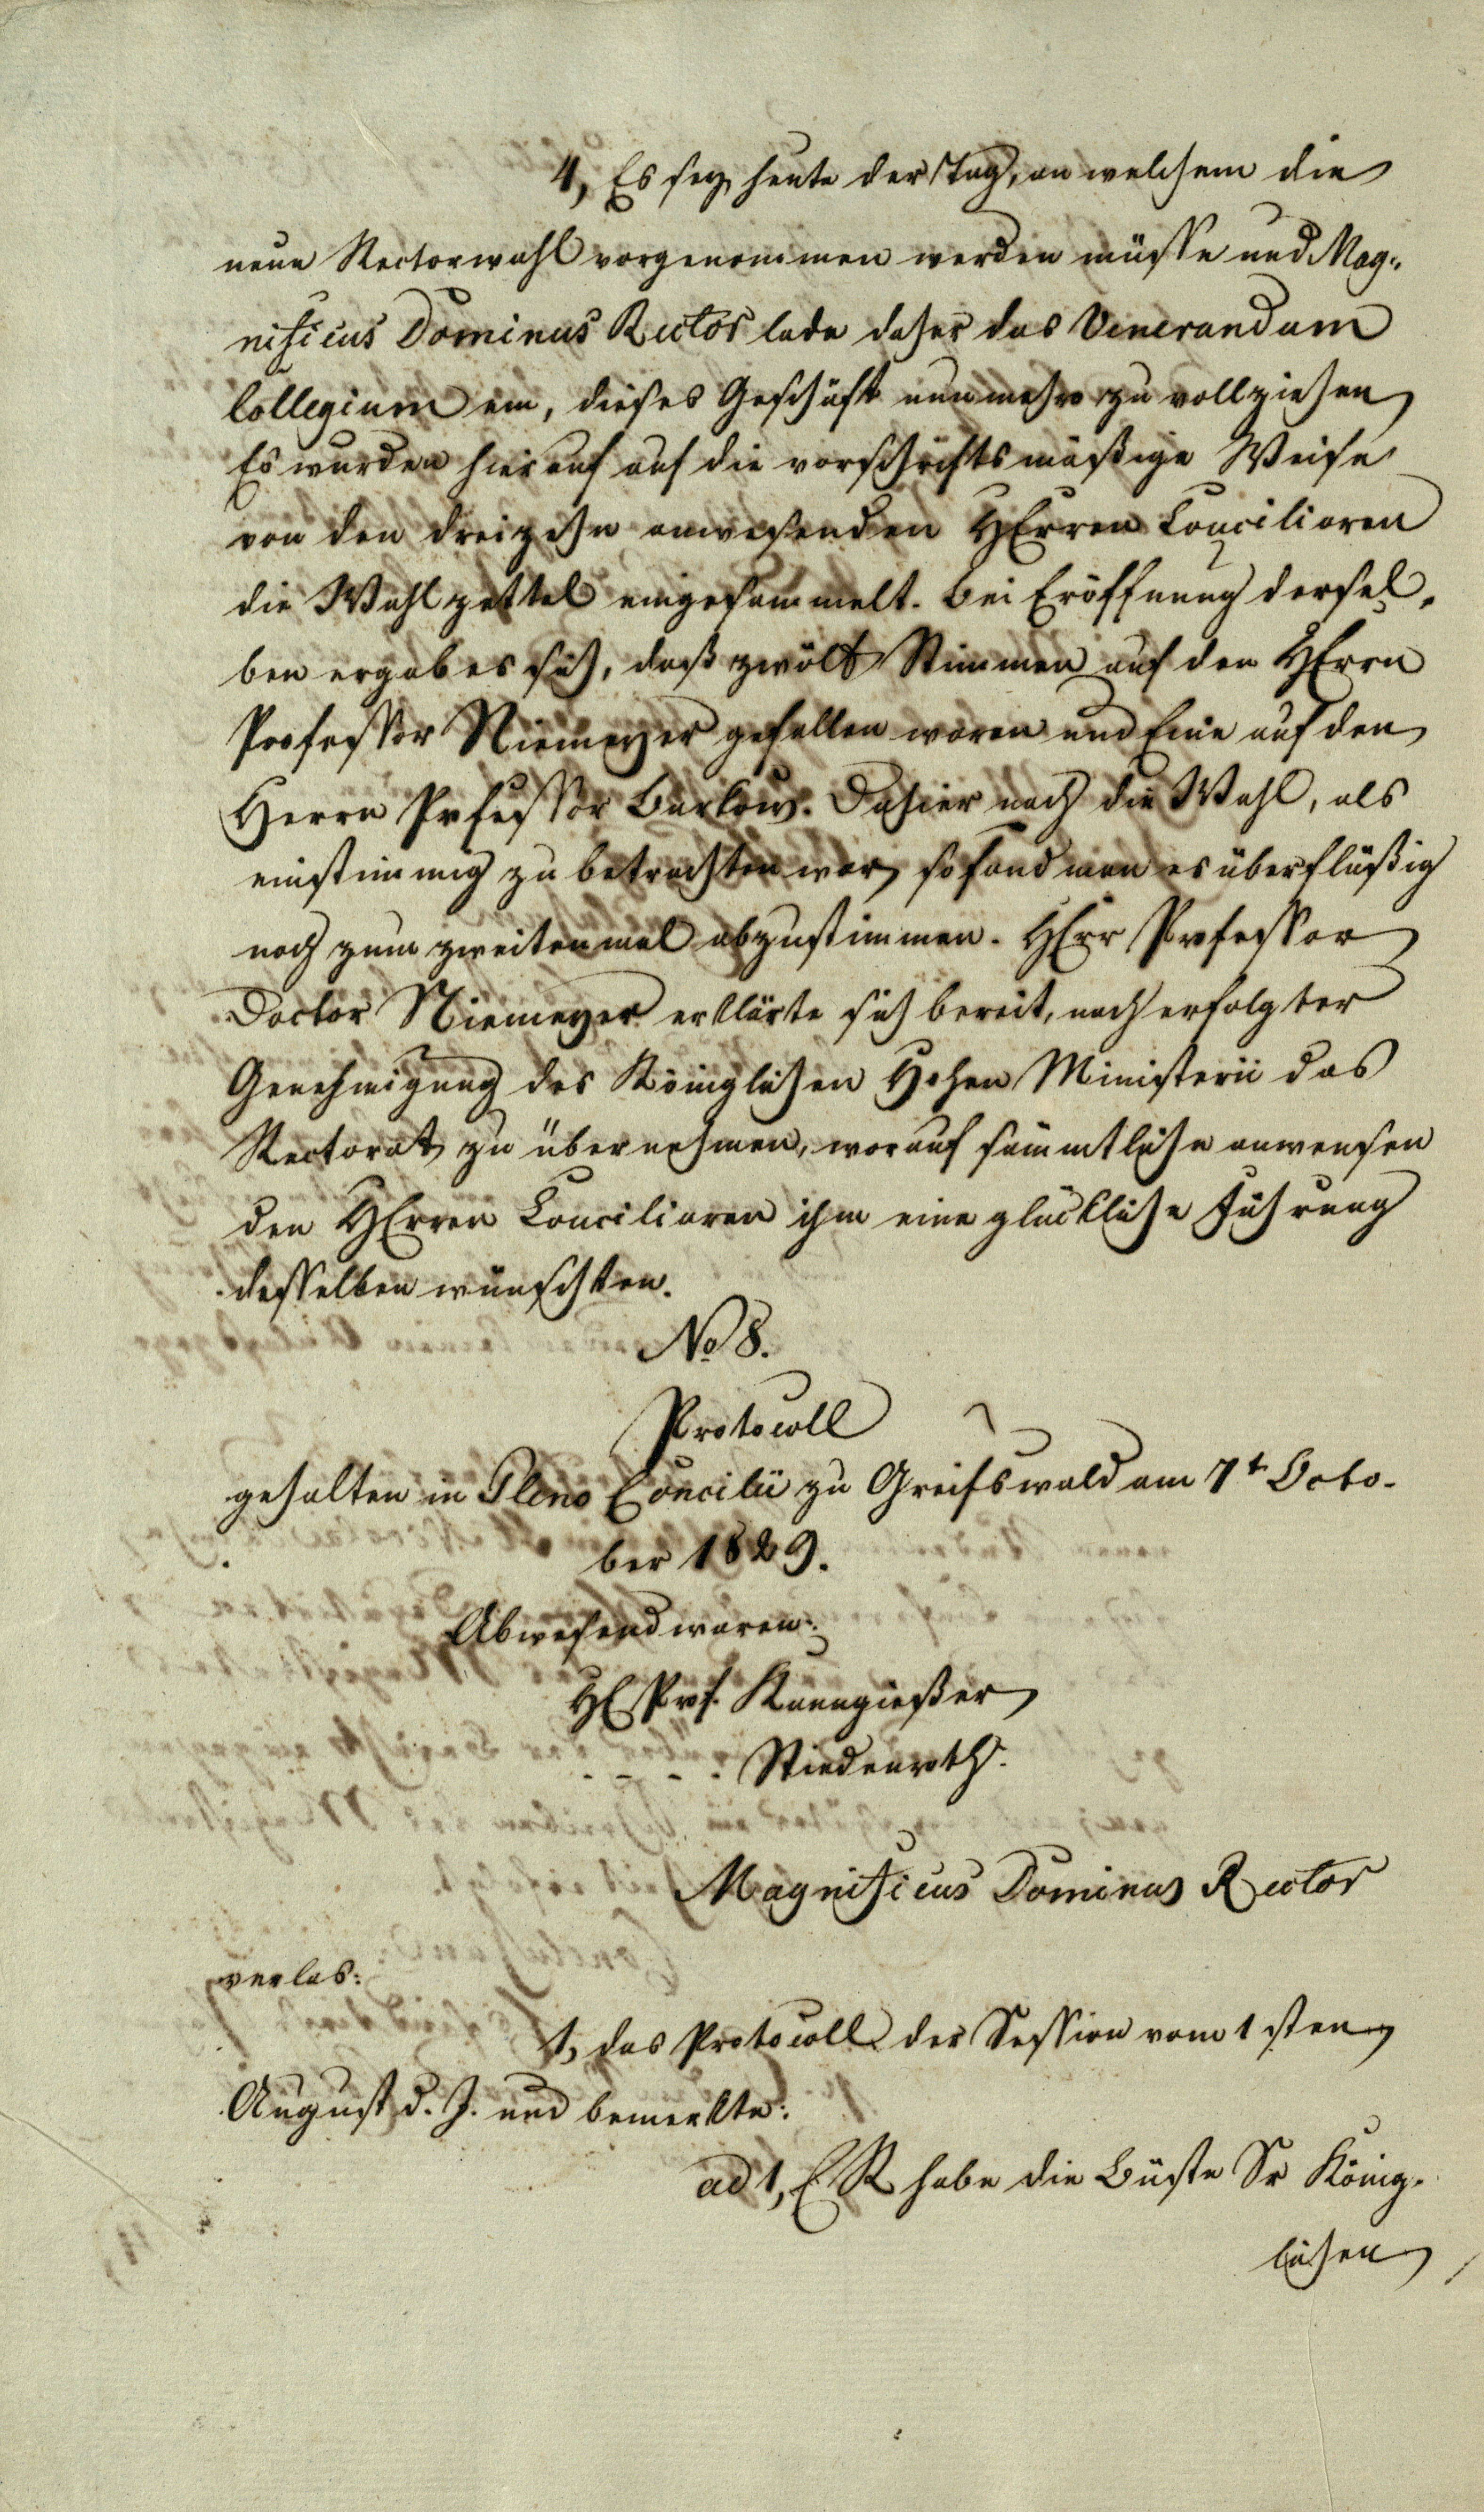4, Es sey heute der Tag, an welchem die
neue Rectorwahl vorgenommen werden müsse und Mag¬
nificus Dominus Rector lade daher das Venerandum
Collegium ein, dieses Geschäft nunmehro zu vollziehen.
Es wurden hierauf auf die vorschriftsmäßige Weise
von den dreizehn anwesenden Herren Conciliaren
die Wahlzettel eingesammelt. Bei Eröffnung dersel¬
ben ergäbe sich, daß zwölf Stimmen auf den Herrn
Professor Niemeyer gefallen waren und eine auf den
Herrn Professor Barkow. Dahier nach die Wahl, als
einstimmig zu betrachten war, so fand man es überflüßig
noch zum zweitenmal abzustimmen. Herr Professor
Doctor Niemeyer erklärte sich bereit, nach erfolgter
Genehmigung des Königlichen Hohen Ministerii das
Rectorat zu übernehmen, worauf sämmtliche anwensen¬
den Herren Conciliaren ihm eine glückliche Führung
desselben wünschten.
No 8.
Protocoll
gehalten in Pleno Concilii zu Greifswald am 7 t Octo¬
ber 1829.
Abwesend waren:
H Prof. Kanngießer
Stiedenroth.
Magnificus Dominus Rector
verlas:
1, das Protocoll der Session vom 1sten
August d. J. und bemerkte:
ad 1, E R habe die Büste Sr König¬
lichen